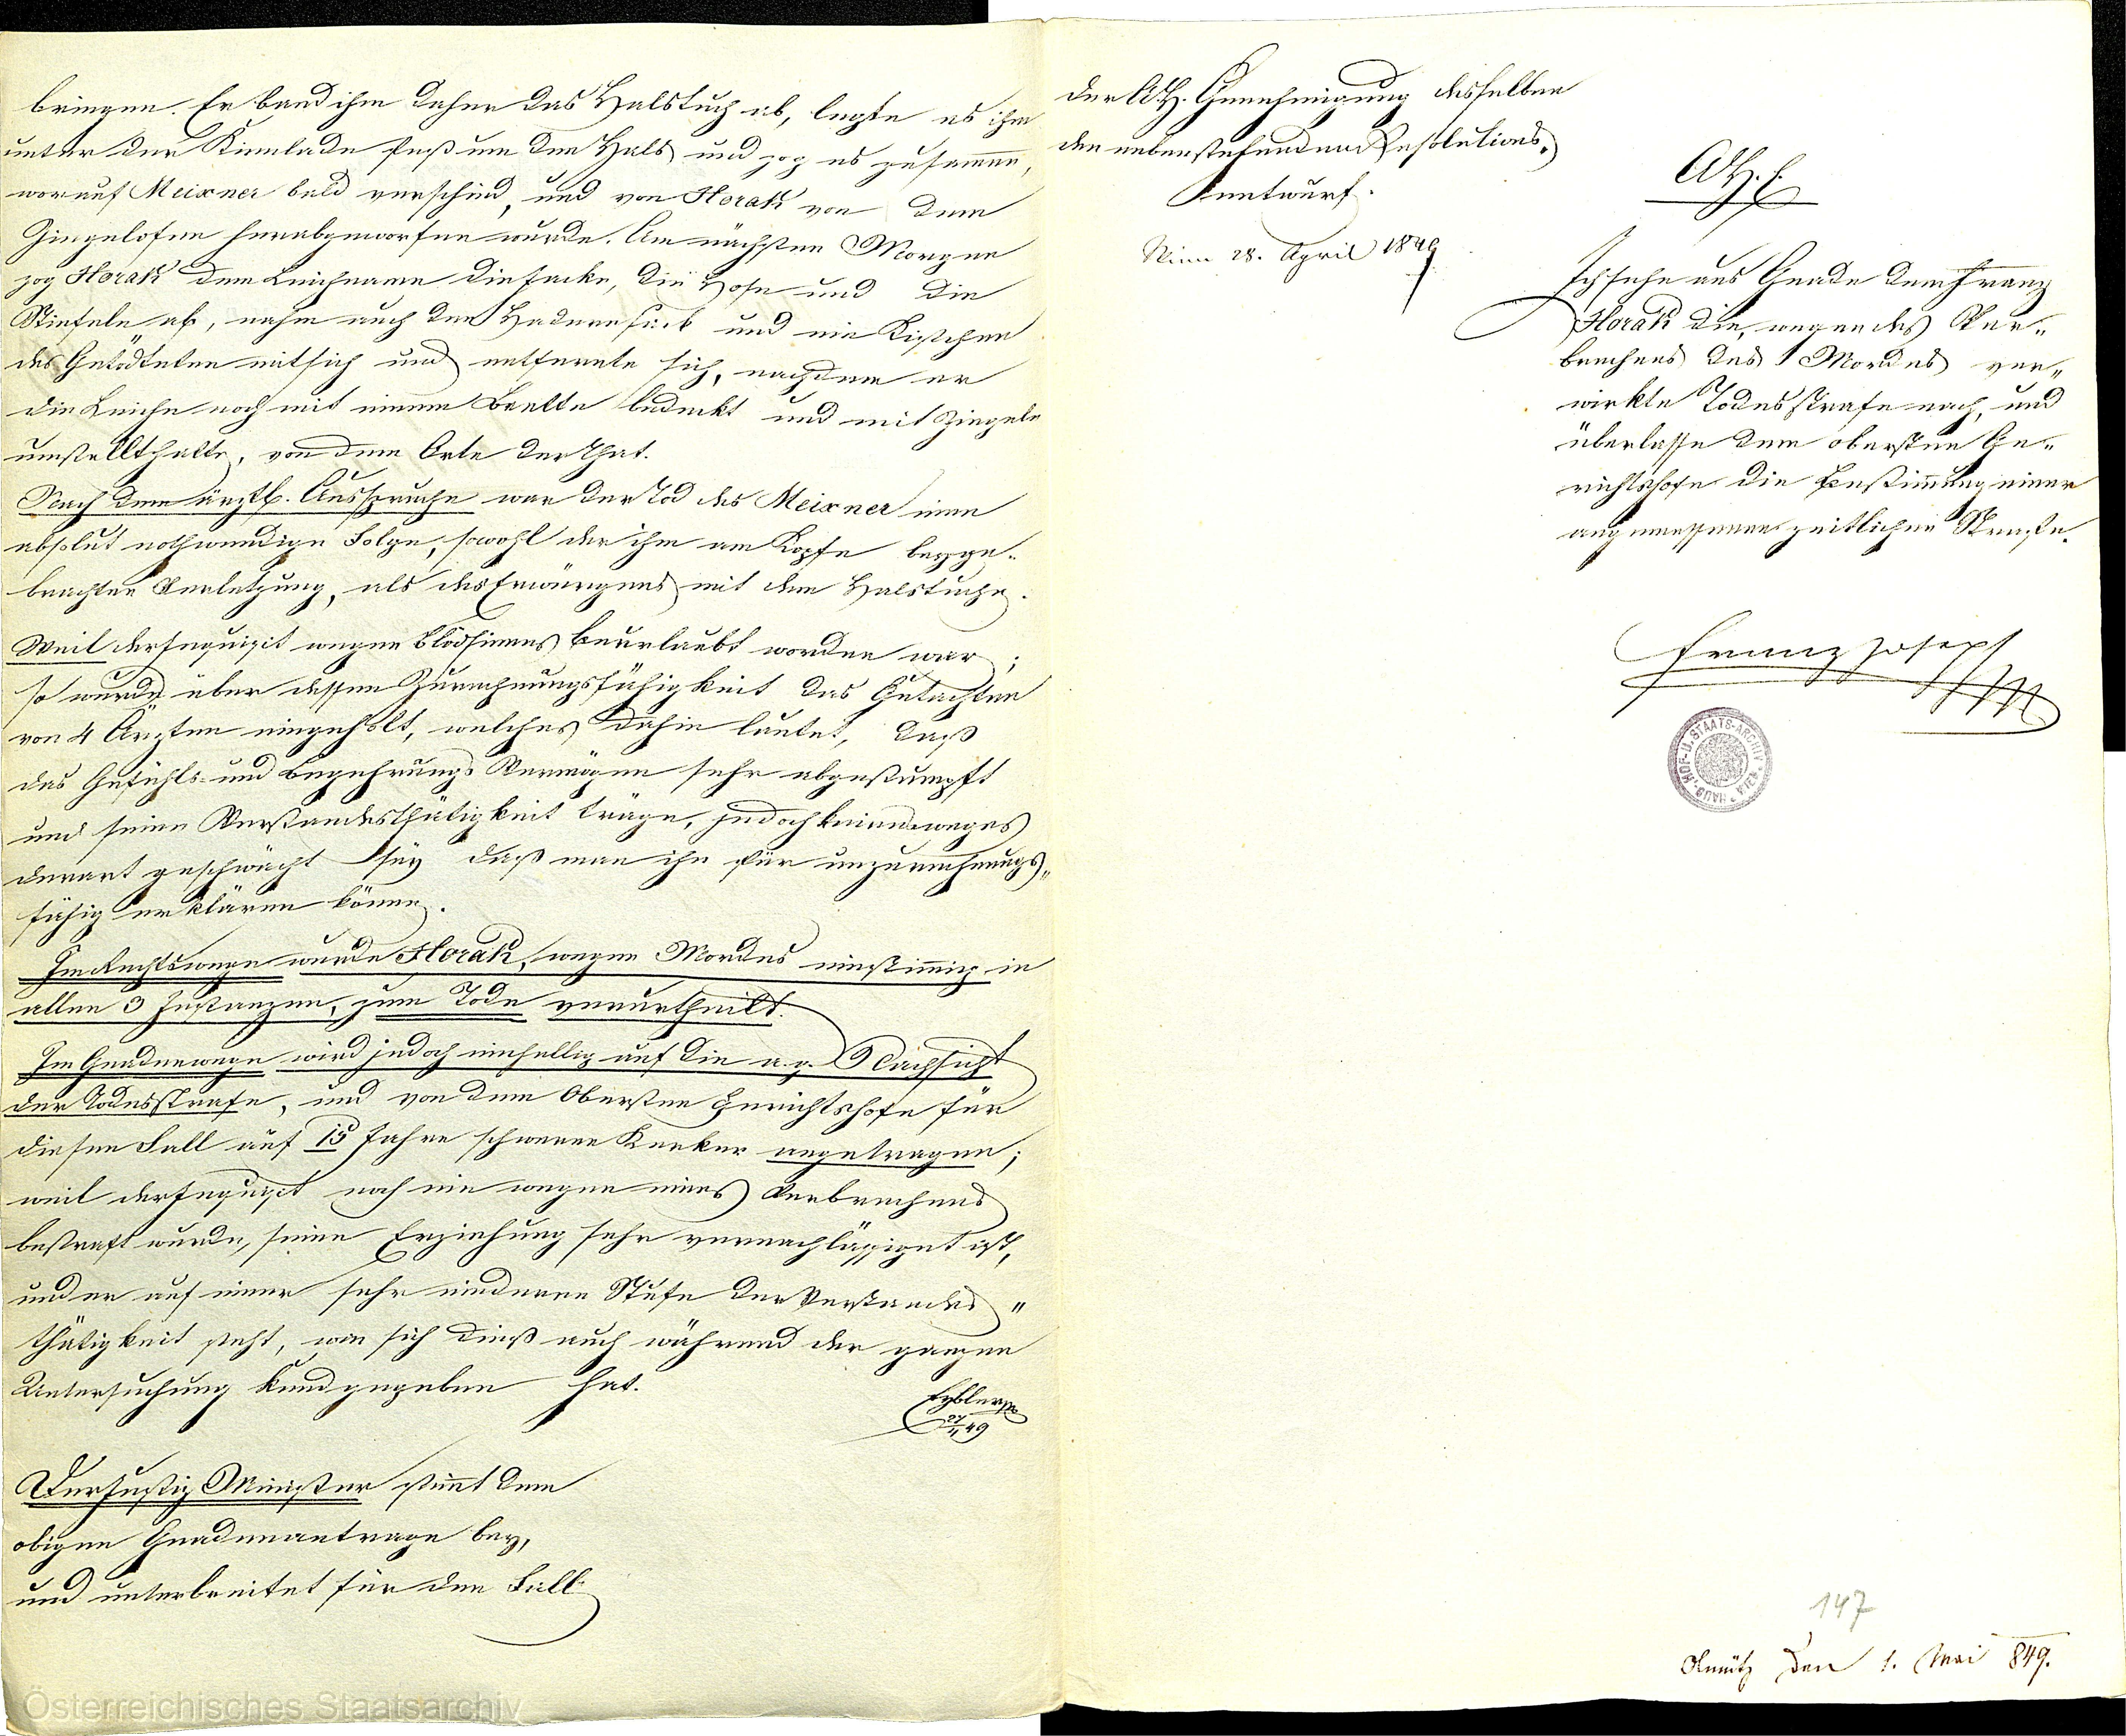bringen. Er band ihm daher das Halstuch ab, legte es ihm
unter der Kinnlade fest um den Hals und zog es zusammen,
worauf Meixner bald verschied, und von Horak von dem
Ziegelofen herabgeworfen wurde. Am nächsten Morgen
zog Horak dem Leichnam die Jacke, die Hose und die
Stiefeln ab, nahm auch den Hadernsack und ein Kistchen
des Getödteten mit sich und entfernte sich, nachdem er
die Leiche noch mit einem Brette bedeckt und mit Ziegeln
umstellt hatte, von dem Orte der That.
Nach dem ärztl. Ausspruche war der Tode des Meixner eine
absolut nothwendige Folge, sowohl der ihm am Kopfe beige¬
brachten Verletzung, als des Erwürgens mit dem Halstuche.
Weil der Inquisit wegen Blödsinnes beurlaubt worden war;
so wurde über dessen Zurechnungsfähigkeit das Gutachten
von 4 Ärzten eingeholt, welches dahin lautet, daß
das Gefühls- und Begehrungs Vermögen sehr abgestumpft
und seine Verstandesthätigkeit träge, jedoch keinesweges
derart geschwächt sey daß man ihn für unzurechnungs¬
fähig erklären könne.
Im Rechtswege wurde Horak, wegen Mordes einstimmig in
allen 3 Instanzen, zum Tode verurtheilt.
Im Gnadenwege wird jedoch einhellig auf die a.g. Nachsicht
der Todesstrafe, und von dem Obersten Gerichtshofe für
diesen Fall auf 15 Jahre schweren Kerker angetragen;
weil der Inquisit noch nie wegen eines Verbrechens
bestraft wurde, seine Erziehung sehr vernachlässiget ist,
und er auf einer sehr niederen Stufe der Verstandes¬
thätigkeit steht, wie sich dieß auch während der ganzen
Untersuchung kundgegeben hat.
Eybler
27/4 49
Der Justiz-Minister stimmt dem
obigen Gnadenantrage bey,
und unterbreitet für den Fall
der A.H. Genehmigung desselben,
den nebenstehenden Resolutions
entwurf.
Wien 28. April 1849
AH. E.
Ich sehe aus Gnade dem Franz
Horak die, wegen des Ver¬
brechens des Mordes ver¬
wirkte Todesstrafe nach, und
überlasse dem obersten Ge¬
richtshofe die Bestimmung einer
angemessenen zeitlichen Strafe.
Franz Joseph
147
Olmütz den 1. Mai 849